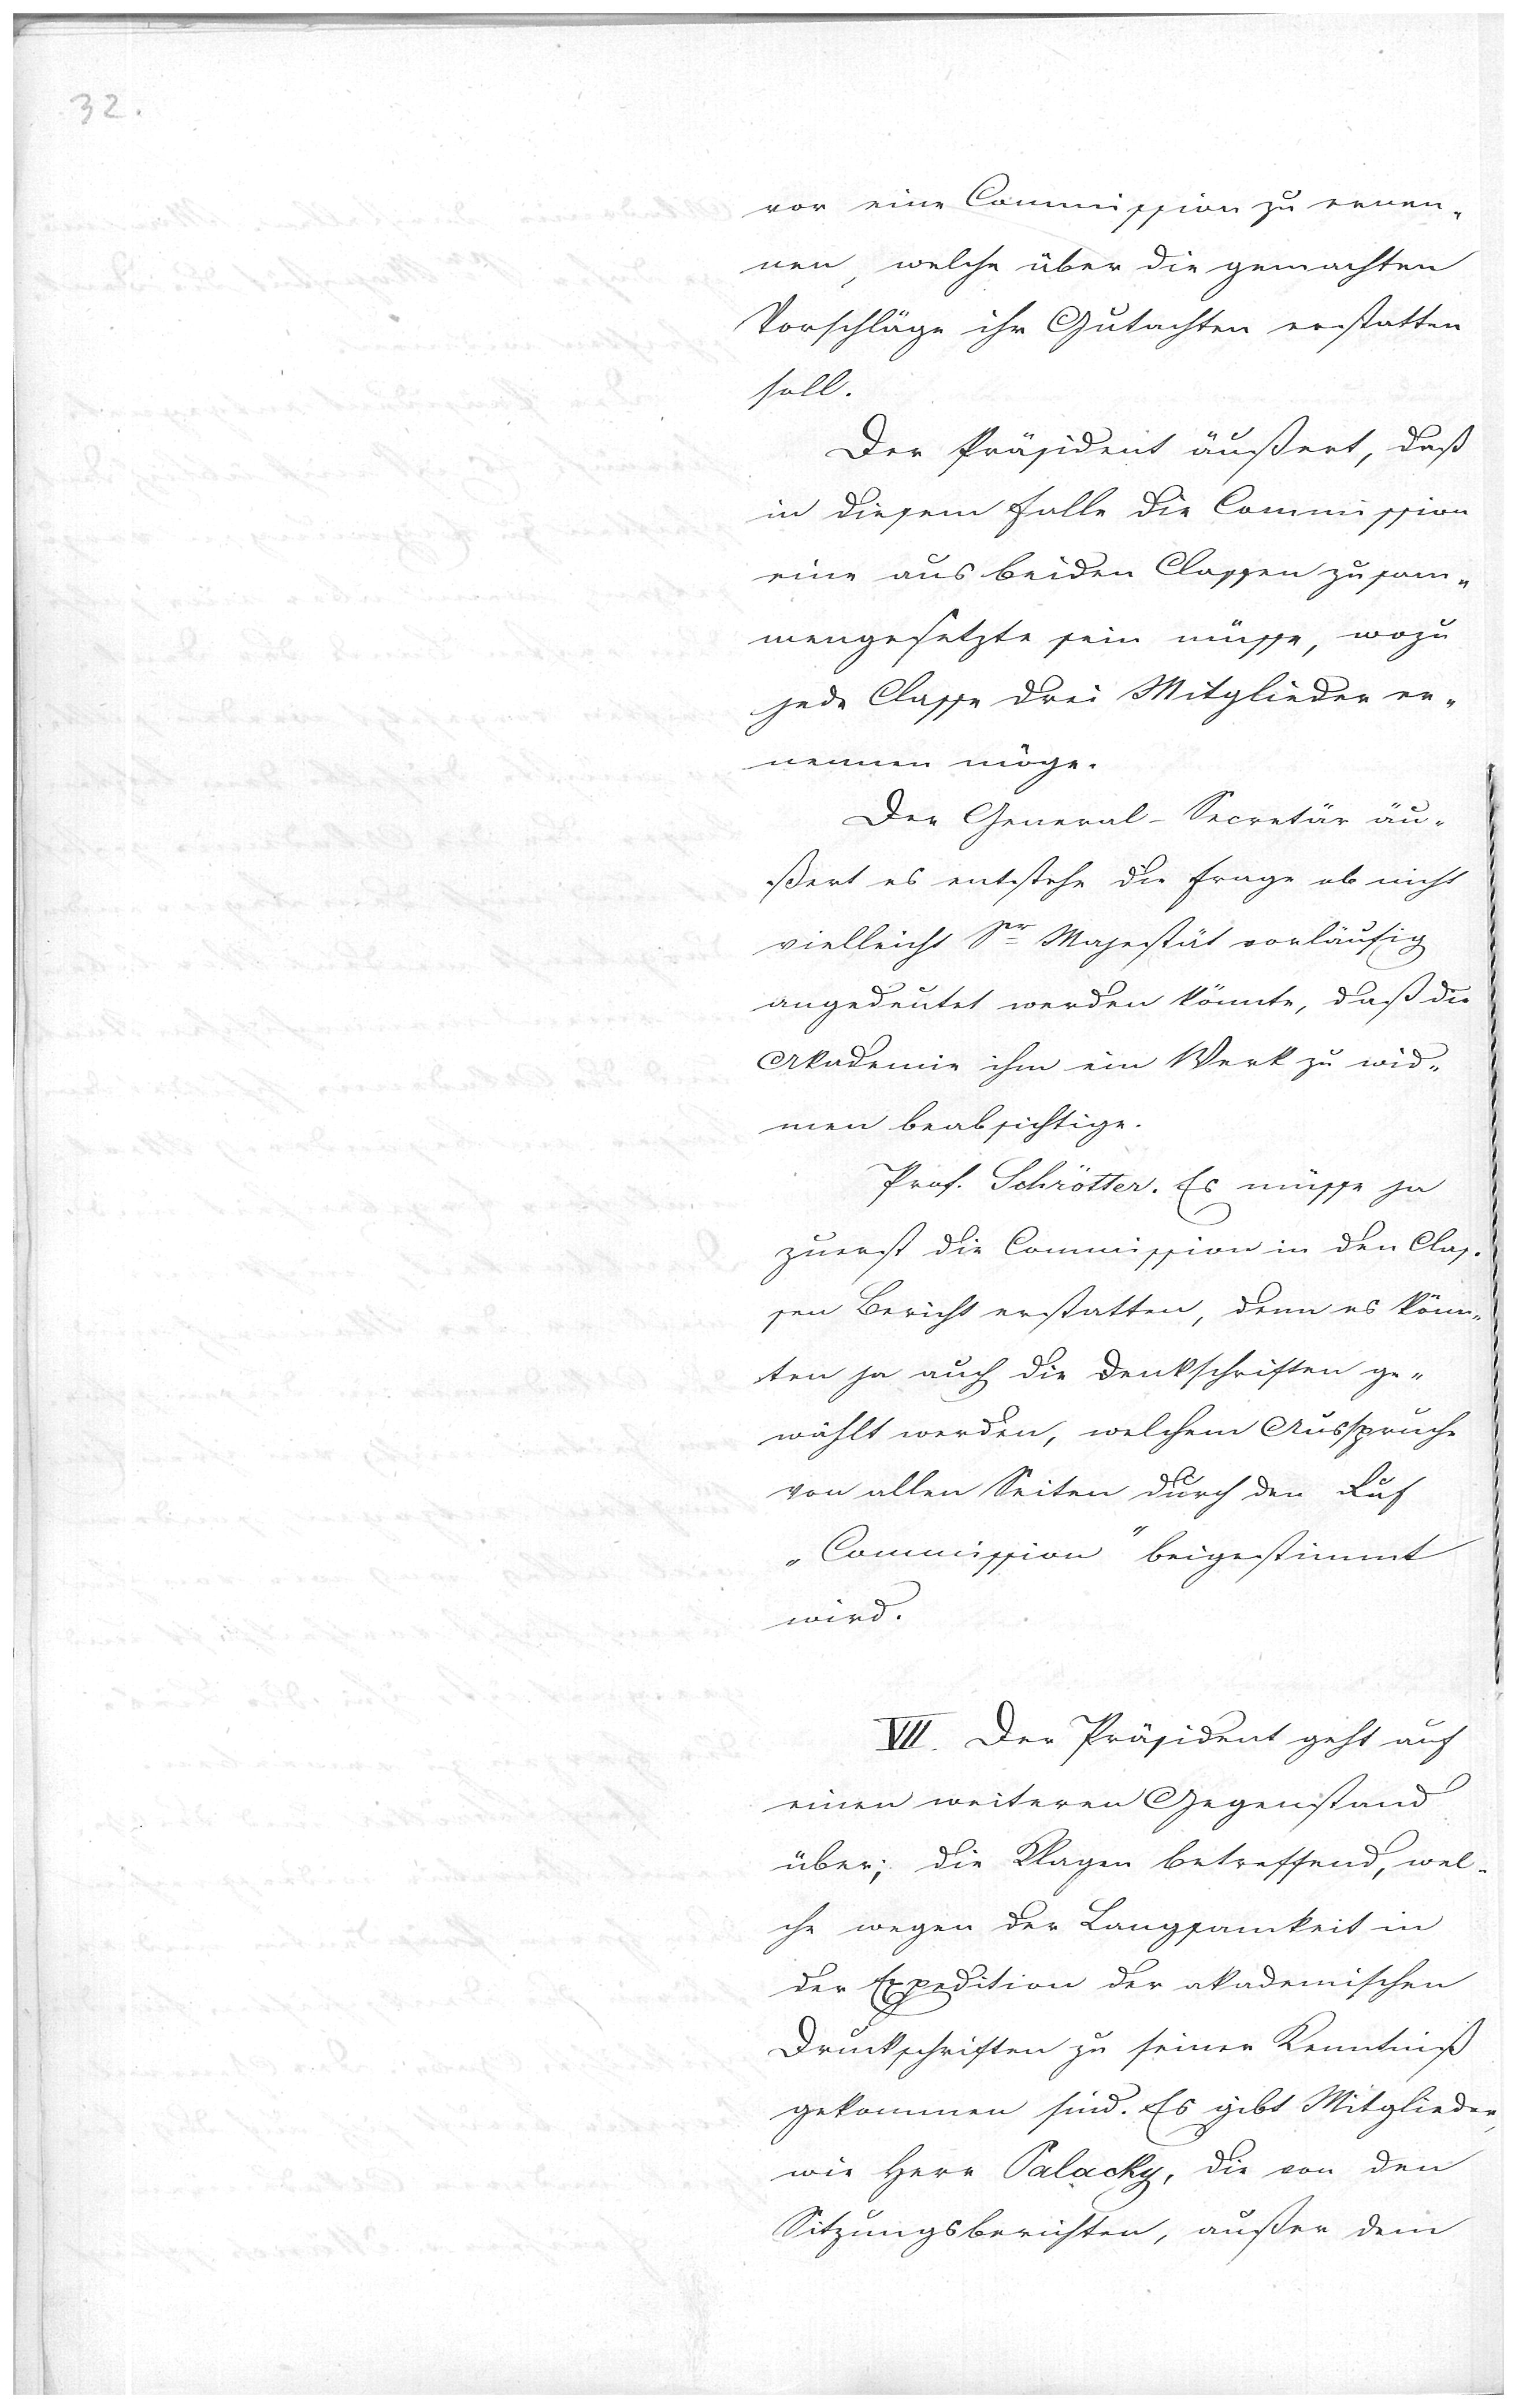vor eine Commission zu ernen-
nen, welche über die gemachten
Vorschläge ihr Gutachten erstatten
soll.
Der Präsident äußert, daß
in diesem Falle die Commission
eine aus beiden Classen zusam-
mengesetzte sein müsse, wozu
jede Classe drei Mitglieder er-
nennen möge.
Der General-Secretär äu-
ßert es entstehe die Frage ob nicht
vielleicht Sr Majestät vorläufig
angedeutet werden könnte, daß die
Akademie ihm ein Werk zu wid-
men beabsichtige.
Prof. Schrötter. Es müsse ja
zuerst die Commission in den Clas-
sen Bericht erstatten, denn es könn-
ten ja auch die Denkschriften ge-
wählt werden, welchem Anspruche
von allen Seiten durch den Ruf
"Commission" beigestimmmt
wird.
VII. Der Präsident geht auf
einen weiteren Gegenstand
über; die Klagen betreffend, wel-
che wegen der Langsamkeit in
der Expeition der akademischen
Druckschriften zu seiner Kenntniß
gekommen sind. Es gibt Mitglieder,
wir Herr Palacky, die von den
Sitzungsberichten, außer dem